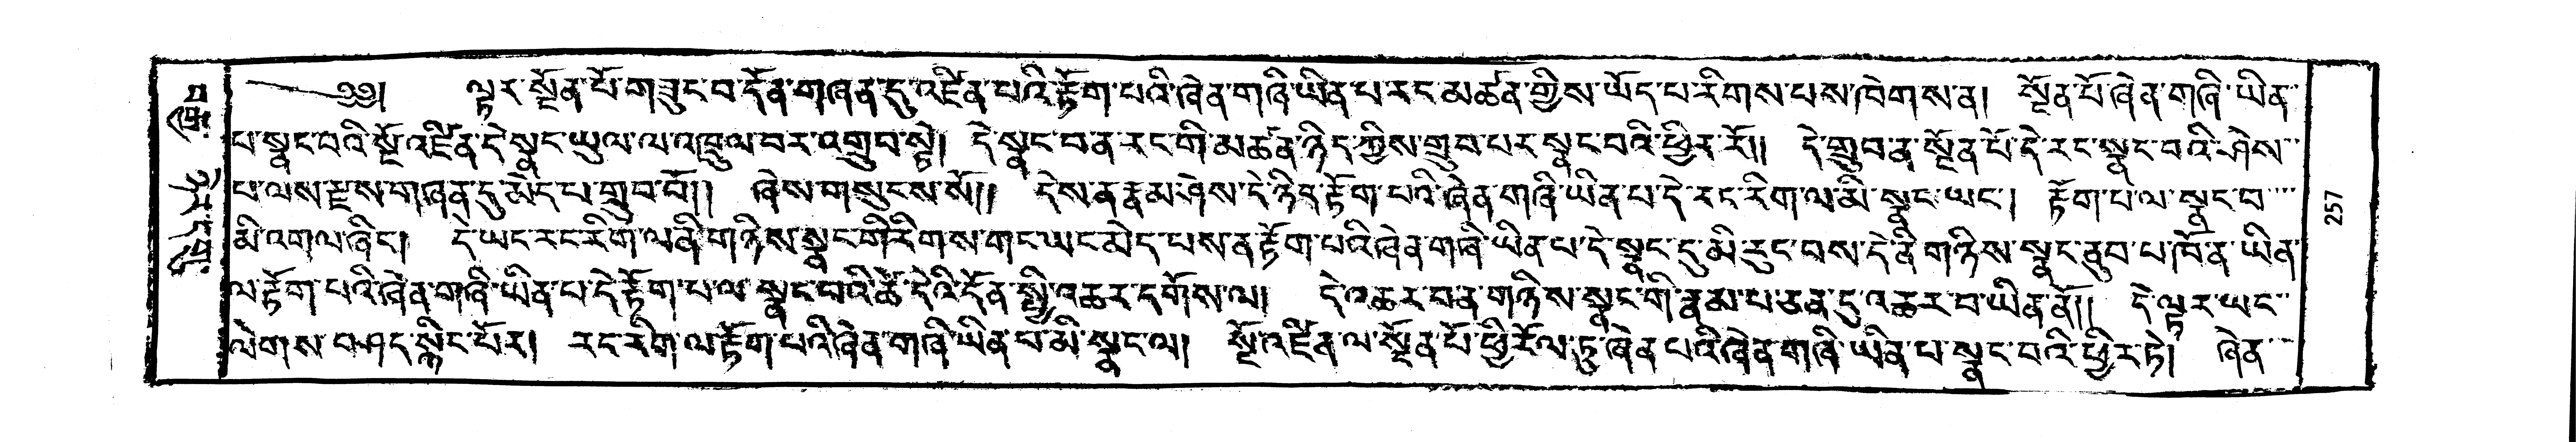༄༅། །ལྟར་སྔོན་པོ་གཟུང་བ་དོན་གཞན་དུ་འཛིན་པའི་རྟོག་པའི་ཞེན་གཞི་ཡིན་པ་རང་མཚན་གྱིས་ཡོད་པ་རིགས་པས་ཁེགས་ན། སྔོན་པོ་ཞེན་གཞི་ཡིན་
པ་སྣང་བའི་སྔོ་འཛིན་དེ་སྣང་ཡུལ་ལ་འཁྲུལ་བར་འགྲུབ་སྟེ། དེ་སྣང་བ་ན་རང་གི་མཚན་ཉིད་ཀྱིས་གྲུབ་པར་སྣང་བའི་ཕྱིར་རོ། །དེ་གྲུབ་ན་སྔོན་པོ་དེ་རང་སྣང་བའི་ཤེས་
པ་ལས་རྫས་གཞན་དུ་མེད་པ་གྲུབ་བོ། །ཞེས་གསུངས་སོ། །དེས་ན་རྣམ་ཤེས་དེ་ཉིད་རྟོག་པའི་ཞེན་གཞི་ཡིན་པ་དེ་རང་རིག་ལ་མི་སྣང་ཡང་། རྟོག་པ་ལ་སྣང་བ་
མི་འགལ་ཞིང་། དེ་ཡང་རང་རིག་ལ་ནི་གཉིས་སྣང་གི་རིགས་གང་ཡང་མེད་པས་ན་རྟོག་པའི་ཞེན་གཞི་ཡིན་པ་དེ་སྣང་དུ་མི་རུང་བས་དེ་ནི་གཉིས་སྣང་ནུབ་པ་ཁོ་ན་ཡིན་
ལ་རྟོག་པའི་ཞེན་གཞི་ཡིན་པ་དེ་རྟོག་པ་ལ་སྣང་བའི་ཚེ་དེའི་དོན་སྤྱི་འཆར་དགོས་ལ། དེ་འཆར་བ་ན་གཉིས་སྣང་གི་རྣམ་པ་ཅན་དུ་འཆར་བ་ཡིན་ནོ། །དེ་ལྟར་ཡང་
ལེགས་བཤད་སྙིང་པོར། རང་རིག་ལ་རྟོག་པའི་ཞེན་གཞི་ཡིན་པ་མི་སྣང་ལ། སྔོ་འཛིན་ལ་སྔོན་པོ་ཕྱི་རོལ་ཏུ་ཞེན་པའི་ཞེན་གཞི་ཡིན་པ་སྣང་བའི་ཕྱིར་ཏེ། ཞེན་